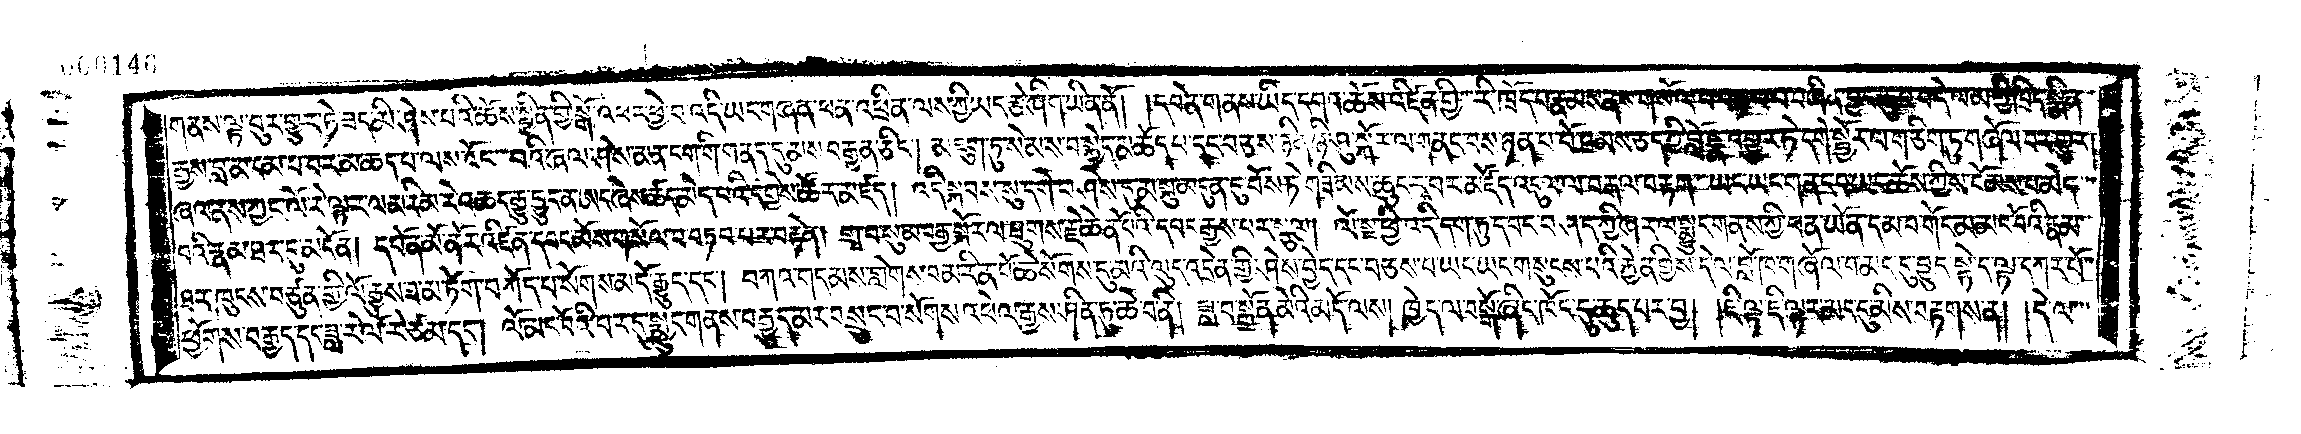གནས་ལྟ་བུར་གྱུར་ཏེ་ཟང་མི་ཤེས་པའི་ཆོས་སྦྱིན་གྱི་སྒོ་འཕར་ཕྱེ་བ་འདི་ཡང་གཞན་ཕན་འཕྲིན་ལས་ཀྱི་ཡང་རྩེ་ཞིག་ཡིན་ནོ། །དབེན་གནས་ཡིད་དགའ་ཆོས་འཛིན་གྱི་རི་ཁྲོད་པ་རྣམས་ནས་གསོལ་བ་བཏབ་པ་བཞིན་བྱང་ཆུབ་བདེ་ལམ་གྱི་ཁྲིད་སྨིན་
རྒྱས་བླ་མ་དམ་པ་བར་མ་ཆད་པ་ལས་འོང་པའི་ཞལ་ཤེས་མན་ངག་གི་གནད་དུ་མས་བརྒྱན་ཅིང་། མཇུག་ཏུ་སེམས་བསྐྱེད་མཆོད་པ་དང་བཅས་ཉིན་ཉི་ཤུ་སྐོར་ལ་གནང་བས་ཉན་པ་པོ་ཐམས་ཅད་ཀྱི་བློ་སྣ་འགྱུར་ཏེ་དགེ་སྦྱོར་ལ་གཅིག་ཏུ་གཞོལ་བར་གྱུར།
ཞལ་ནས་ཀྱང་ལོ་རེ་ལྟར་ལམ་རིམ་རེ་འཆད་རྒྱུ་བྱུང་ན་མང་ཞེས་ཚད་མེད་པའི་དགྱེས་ཚོར་མཛད། འདི་སྐབས་སུ་དགེ་བཤེས་དུ་མ་སྐུ་མདུན་དུ་བོས་ཏེ་གཟིམས་ཆུང་རྭ་བར་མཛོད་འདུལ་ལ་བརྒལ་བརྟག་ཡང་ཡང་གནང་བ་ཡང་ཆོས་ཀྱིས་ངོམས་པ་མེད་
པའི་རྣམ་ཐར་དུ་མངོན། དཔོན་མོ་ནོར་འཛིན་དབང་མོས་གསོལ་བ་བཏབ་པར་བརྟེན། གྲྭ་བ་སུམ་བརྒྱ་སྐོར་ལ་ཐུགས་རྗེ་ཆེན་པོའི་དབང་རྒྱས་པར་སྩལ། ལོ་སྔ་ཕྱི་འདི་དག་ཏུ་དབང་བཤད་ཀྱི་ཞར་ལ་སྨྱུང་གནས་ཀྱི་ཕན་ཡོན་དམ་པ་གོང་མ་མང་པོའི་རྣམ་
ཐར་ཁུངས་བཙུན་གྱི་ལོ་རྒྱུས་ཟ་མ་ཏོག་བཀོད་པ་སོགས་མདོ་རྒྱུད་དང་། བཀའ་གདམས་གླེགས་བམ་རིན་པོ་ཆེ་སོགས་དུ་མའི་ལུང་འདྲེན་གྱི་ཤེས་བྱེད་དང་བཅས་པ་ཡང་ཡང་གསུངས་པའི་རྐྱེན་ཀྱིས་དེ་ལ་བློ་ཁ་གཞོལ་བ་མང་དུ་བྱུང་སྟེ་ད་ལྟ་དཀར་པོ་
ཕྱོགས་བརྒྱད་དང་ཟླ་རེ་ལོ་རེ་ཙམ་དང་། ལོ་མང་པོའི་བར་དུ་སྨྱུང་གནས་བརྒྱུད་མར་བསྲུང་བ་སོགས་འཕེལ་རྒྱས་ཤིན་ཏུ་ཆེ་བ་ནི། ཟླ་བ་སྒྲོན་མེའི་མདོ་ལས། ཁྱེད་ལ་བསྒོ་ཞིང་ཁོང་དུ་ཆུད་པར་བྱ། །ཇི་ལྟ་ཇི་ལྟར་མང་དུ་མིས་བརྟགས་ན། །དེ་ལ་